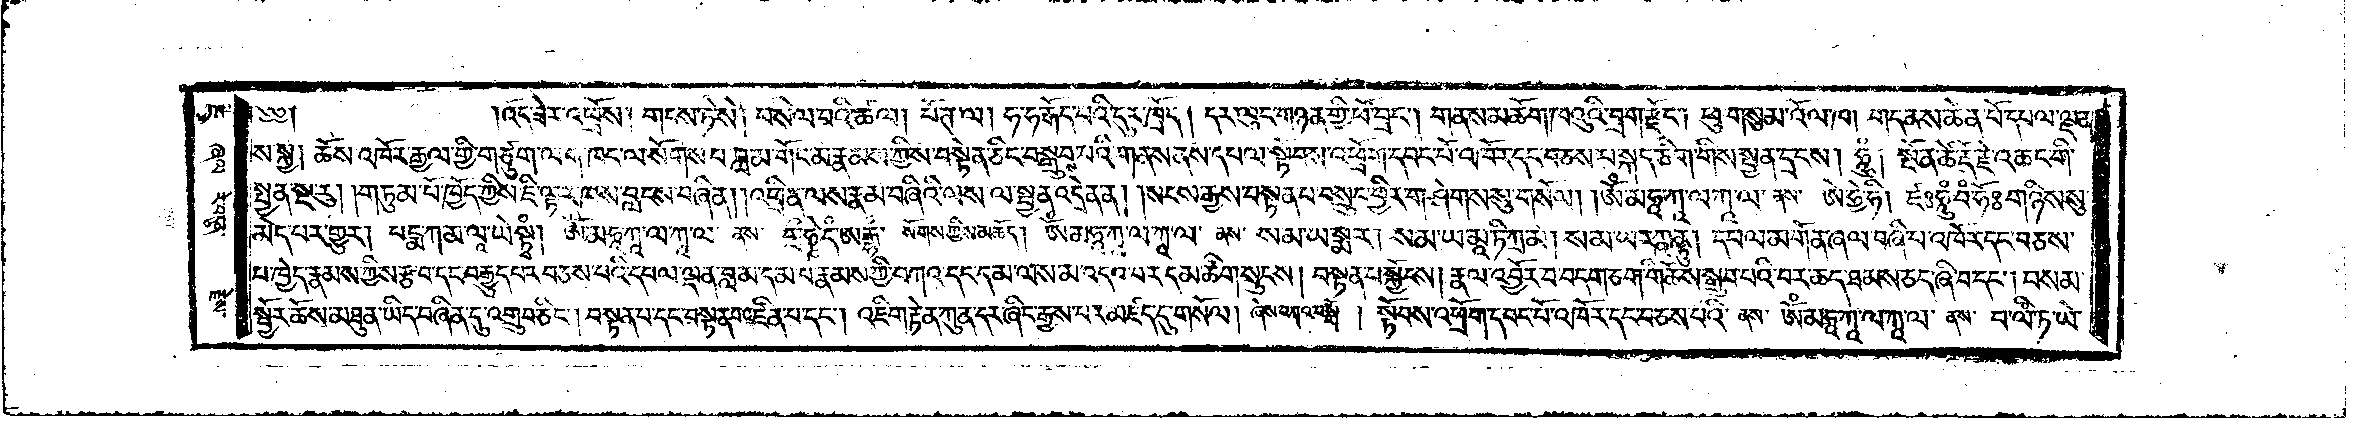༄༅། །འོད་ཟེར་འཕྲོས། གངས་ཏེ་སེ། བསིལ་བའི་ཚལ། པོ་ཊ་ལ། ཧ་ཧ་རྒོད་པའི་དུར་ཁྲོད། དར་ལུང་གཉན་གྱི་ཕོ་བྲང་། གནས་མཆོག་ཁཱུའུ་བྲག་རྫོང་། ཕུ་གསུམ་འོལ་ཁ། གདན་ས་ཆེན་པོ་དཔལ་ལྡན་
ས་སྐྱ། ཆོས་འཁོར་རྒྱལ་གྱི་གཙུག་ལག་ཁང་ལ་སོགས་པ་བླ་མ་གོང་མ་རྣམས་ཀྱིས་བསྟེན་ཅིང་བསྒྲུབས་པའི་གནས་ནས་དཔལ་སྟོབས་འཕྲོག་དབང་པོ་འཁོར་དང་བཅས་པ་སྐད་ཅིག་གིས་སྤྱན་དྲངས། ཧཱུཾ། སྔོན་ཚེ་རྡོ་རྗེ་འཆང་གི་
སྤྱན་སྔ་རུ། །གཏུམ་པོ་ཁྱོད་ཀྱིས་ཇི་ལྟར་ཁས་བླངས་བཞིན། །འཕྲིན་ལས་རྣམ་བཞིའི་ལས་ལ་སྤྱན་འདྲེན་ན། །སངས་རྒྱས་བསྟན་པ་བསྲུང་ཕྱིར་གཤེགས་སུ་གསོལ། །ཨོཾ་མྷཱ་ཀཱ་ལ་ཀཱ་ལ་ནས་ཨེ་ཧྱེ་ཧི། ཛཿཧཱུཾ་བ྾་ཧོཿགཉིས་སུ་
མེད་པར་གྱུར། པདམ་ག་མ་ལཱ་ཡེ་སཏྭ། ཨོཾ་མྷཱ་ཀའ་ལ་ཀཱ་ལ་ནས་གྲྀཧྞེ་ད྾་ཨརྒྷ྾་སོགས་ཀྱིས་མཆོད།  ཨོཾ་མྷཱ་ཀཱ་ལ་ཀཱ་ལ་ནས་ས་མ་ཡ་མཱ་ཏི་ཀྲ་མ། ས་མ་ཡ་རཀྵནྟུ། དཔལ་མགོན་ཞལ་བཞི་པ་འཁོར་དང་བཅས་
པ་ཁྱེད་རྣམས་ཀྱིས་རྩ་བ་དང་བརྒྱུད་པར་བཅས་པའི་དཔལ་ལྡན་བླ་མ་དམ་པ་རྣམས་ཀྱི་བཀའ་དང་དམ་ལས་མ་འདའ་བར་དམ་ཚིག་སྲུངས། བསྟན་པ་སྐྱོངས། རྣལ་འབྱོར་བ་བདག་ཅག་གི་ཆོས་སྒྲུབ་པའི་བར་ཆད་ཐམས་ཅད་ཞི་བ་དང་། བསམ་
སྦྱོར་ཆོས་མཐུན་ཡིད་བཞིན་དུ་འགྲུབ་ཅིང་། བསྟན་པ་དང་བསྟན་པ་འཛིན་པ་དང་། འཇིག་རྟེན་ཀུན་དར་ཞིང་རྒྱས་པར་མཛད་དུ་གསོལ། ཞེས་བཀའ་བསྒོ།  སྟོབས་འཕྲོག་དབང་པོ་འཁོར་དང་བཅས་པའི་ནས་ཨོཾ་མྷཱ་ཀཱ་ལ་ཀཱ་ལ་ནས་བ་ལི྾ཏ་ཡེ་